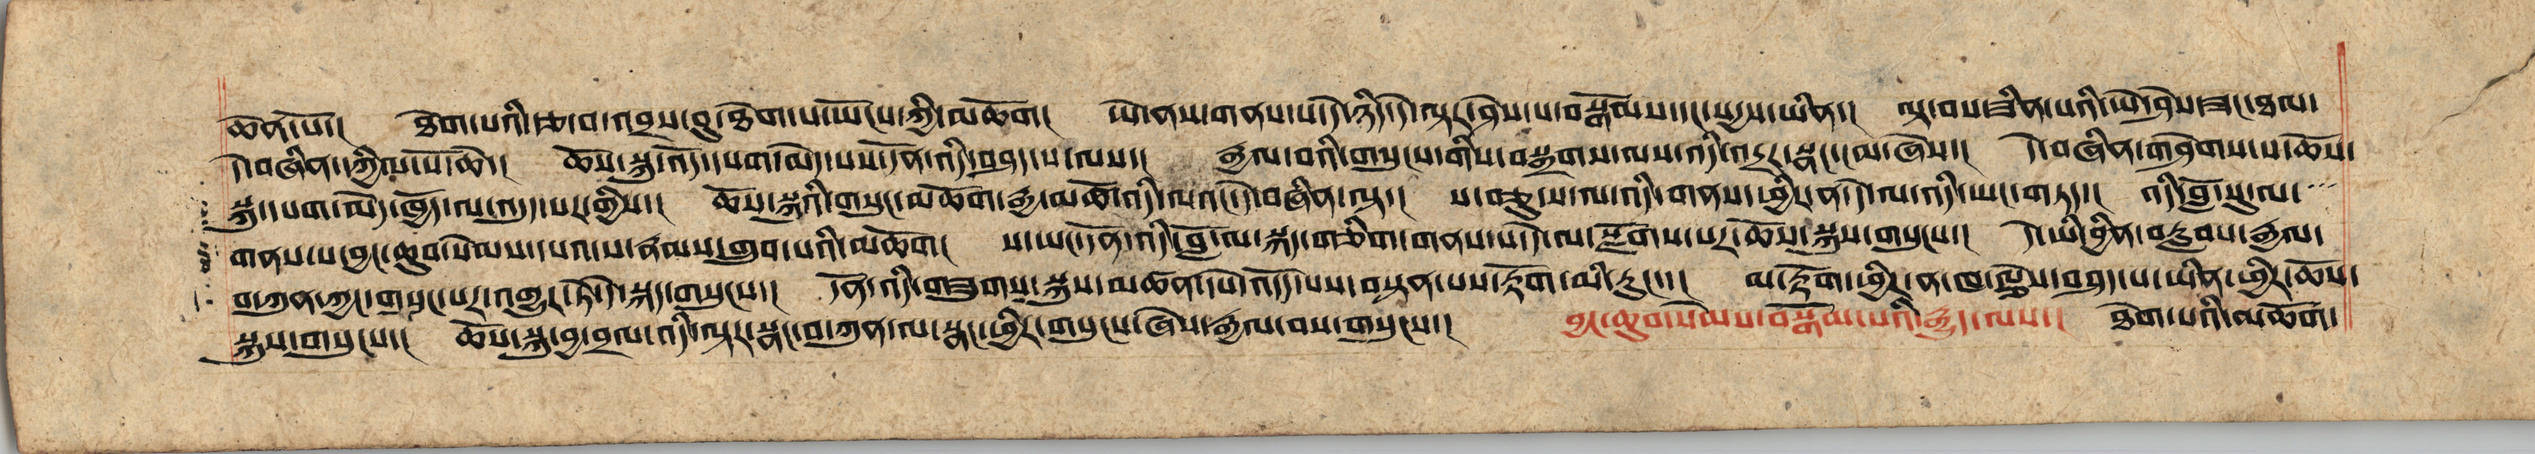ཆེན་པོ་། ཐེག་པའི་རྩ་བ་འབྲས་བུ་ཐེག་པ་ཡོངས་ཀྱི་མཆོག། ཡེ་ནས་གནས་པ་དེ་ཉིད་དེ་ལྟར་ཤེས་པ་བསྒོམས་དང་སདྱས་ཡིན་། ལྟ་བས་ཟིན་པའི་ཡེ་ཤེས་ཟང་ཐལ་
དེ་བཞིན་དཀྱིལ་པོ་ཆེ་། ཆོས་སྐུ་འོད་དཔག་མེད་པས་དོན་འདི་བཤད་པ་ལས་། རྒྱལ་བའི་གསུངས་གིས་བསྒྲགས་ལས་འདི་འདྲར་སྣང་ངམ་ཞེས་། དེ་བཞིན་གཤེགས་པ་ཆོས་
སྐུ་དཔག་མེད་ཁྱོད་ལ་འདུད་པར་གྱིས་། ཆོས་སྐུའི་གསུང་མཆོག་མཚོ་འདི་ལའང་དེ་བཞིན་ལྟ་། ས་བཅུ་ས་ལ་འདི་གནས་ཕྱིར་ན་དེ་ལ་འདི་ཡང་གཏད་། འདི་བློ་སུ་ལ་
གནས་པ་བྱང་ཆུབ་སེམས་དཔའ་ས་རྣམས་གྲུབ་པའི་མཆོག། ས་ཡང་དོན་འདི་བློ་ལ་སྐད་གཅིག་གནས་པ་དེ་ལ་སྫོགས་པར་ཆོས་སྐུས་གསུངས་། དེ་ཡི་བྱིན་བརླབས་རྒྱལ་
བ་ཀུན་ཀྱང་གསུང་པར་འགྱུར་ཏེ་དེ་སྐད་གསུངས་། དོན་འདི་གཟུགས་སྐུས་མཚན་དཔེ་འདོད་པས་བསྟན་པས་རྟོག་མི་རུང་་། མ་རྟོག་ཕྱིར་ན་ཁ་ལྕེས་བཤད་པ་ཡིན་ཕྱིར་ཆོས་
སྐུས་གསུངས་། ཆོས་སྐུ་བྱ་བྲལ་འདི་ལྟར་སྣང་བ་ཀུན་ལ་སྣང་ཕྱིར་གསུངས་ཞེས་རྒྱལ་བས་གསུངས་། བྱང་ཆུབ་སེམས་བསྒོམ་པའི་རྒྱུད་ལས་། ཐེག་པའི་མཆོག་